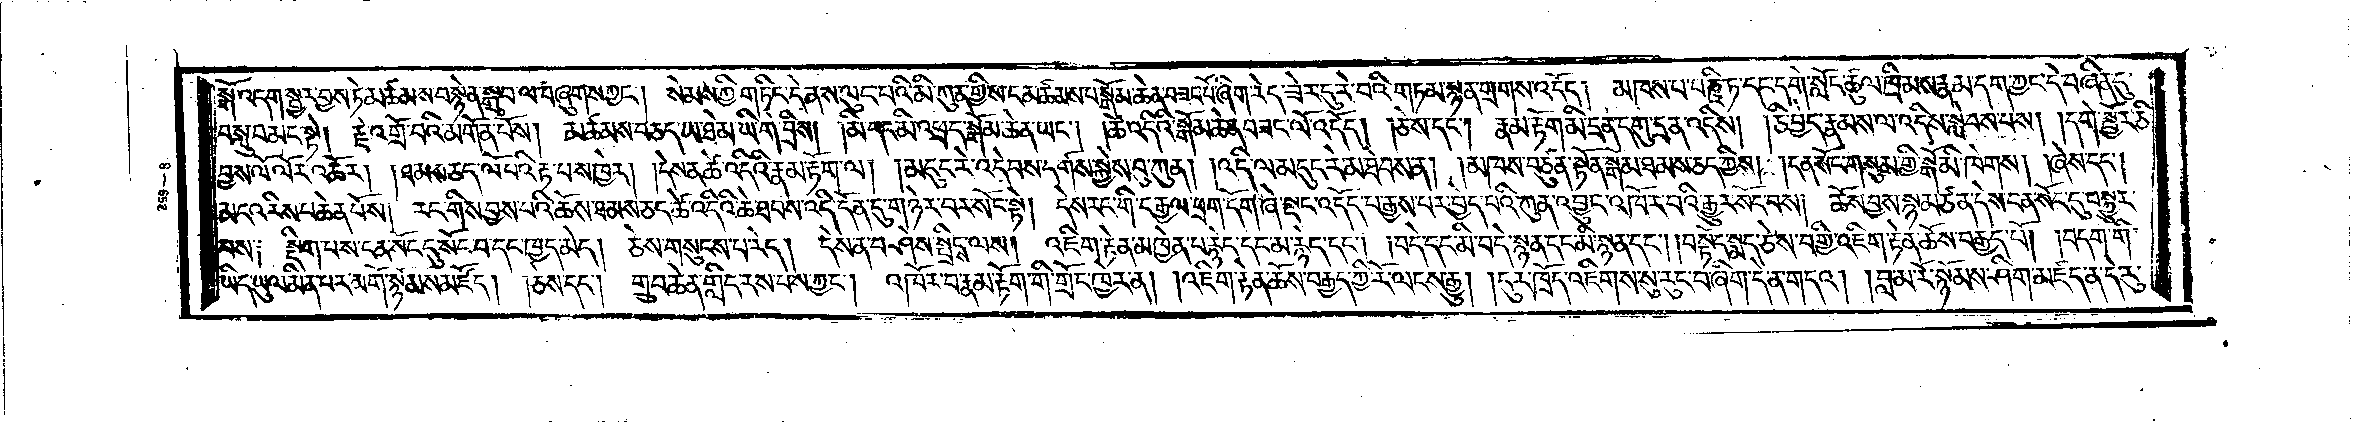སྒོ་འདག་སྦྱར་བྱས་ཏེ་མཚམས་བསྙེན་སྒྲུབ་ལ་བཞུགས་ཀྱང་། སེམས་ཀྱི་གཏིང་དེ་ནས་ལུང་པའི་མི་ཀུན་གྱིས་ང་མཚམས་པ་སྒོམ་ཆེན་བཟང་པོ་ཞིག་རེད་ཟེར་དུ་རེ་བའི་གཏམ་སྙན་གྲགས་འདོད། མཁས་པ་པཎྜི་ཏ་དང་དགེ་སློང་ཚུལ་ཁྲིམས་རྣམ་དག་ཀྱང་དེ་བཞིན་དུ་
བསླུ་བ་མང་སྟེ། རྗེ་འགྲོ་བའི་མགོན་པོས། མཚམས་བཅད་ཡ་ཐེམ་ཡི་གེ་བྲིས། །མི་དང་མི་འཕྲད་སྒོམ་ཆེན་ཡང་། །ཚེ་འདིའི་སྒོམ་ཆེན་བཟང་ལོ་འདོད། །ཅེས་དང་། རྣམ་རྟོག་མི་དྲན་དགུ་དྲན་འདིས། །ཅི་བྱེད་རྣམས་ལ་འདིས་སླེབས་པས། །དགེ་སྦྱོར་ཅི་
བྱས་ལོ་ལོར་འཆོར། །ཐམས་ཅད་ལོ་པའི་རྟ་པས་ཁྱེར། །དེས་ན་ཚེ་འདིའི་རྣམ་རྟོག་ལ། །མདུང་རེ་འདེབས་དགོས་སྐྱེས་བུ་ཀུན། །འདི་ལ་མདུང་རེ་མ་ཐེབས་ན། །མཁས་བཙུན་སྟོན་སྒོམ་ཐམས་ཅད་ཀྱིས། །ངན་སོང་གསུམ་གྱི་སྒོ་མི་ཁེགས། །ཞེས་དང་།
མངའ་རིས་པ་ཆེན་པོས། རང་གིས་བྱས་པའི་ཆོས་ཐམས་ཅད་ཚེ་འདིའི་ཆེ་ཐབས་འདི་དོན་དུ་གཉེར་བར་སོང་སྟེ། དེས་རང་གི་ང་རྒྱལ་ཕྲག་དོག་ཞེ་སྡང་འདོད་པ་རྒྱས་པར་བྱེད་པའི་ཀུན་འབྱུང་འཁོར་བའི་རྒྱུར་སོང་བས། ཆོས་བྱས་སྙམ་ཙ་ན་དེས་ངན་སོང་དུ་བསྐྱུར་
བས༑ སྡིག་པས་ངན་སོང་དུ་སོང་བ་དང་ཁྱད་མེད། ཅེས་གསུངས་པ་རེད། དེས་ན་བཤེས་སྤྲིངས་ལས། འཇིག་རྟེན་མཁྱེན་པ་རྙེད་དང་མ་རྙེད་དང་། །བདེ་དང་མི་བདེ་སྙན་དང་མི་སྙན་དང་། །བསྟོད་སྨད་ཅེས་བགྱི་འཇིག་རྟེན་ཆོས་བརྒྱད་པོ། །བདག་གི་
ཡིད་ཡུལ་མིན་པར་མགོ་སྙོམས་མཛོད། །ཅེས་དང་། གྲུབ་ཆེན་གླིང་རས་པས་ཀྱང་། འཁོར་བ་རྣམ་རྟོག་གི་གྲོང་ཁྱེར་ན། །འཇིག་རྟེན་ཆོས་བརྒྱད་ཀྱི་རོ་ལངས་རྒྱུ། །དུར་ཁྲོད་འཇིགས་སུ་རུང་བ་ཞིག་དེ་ན་གདའ། །བླ་མ་རོ་སྙོམས་ཤིག་མཛད་ན་དེ་རུ་